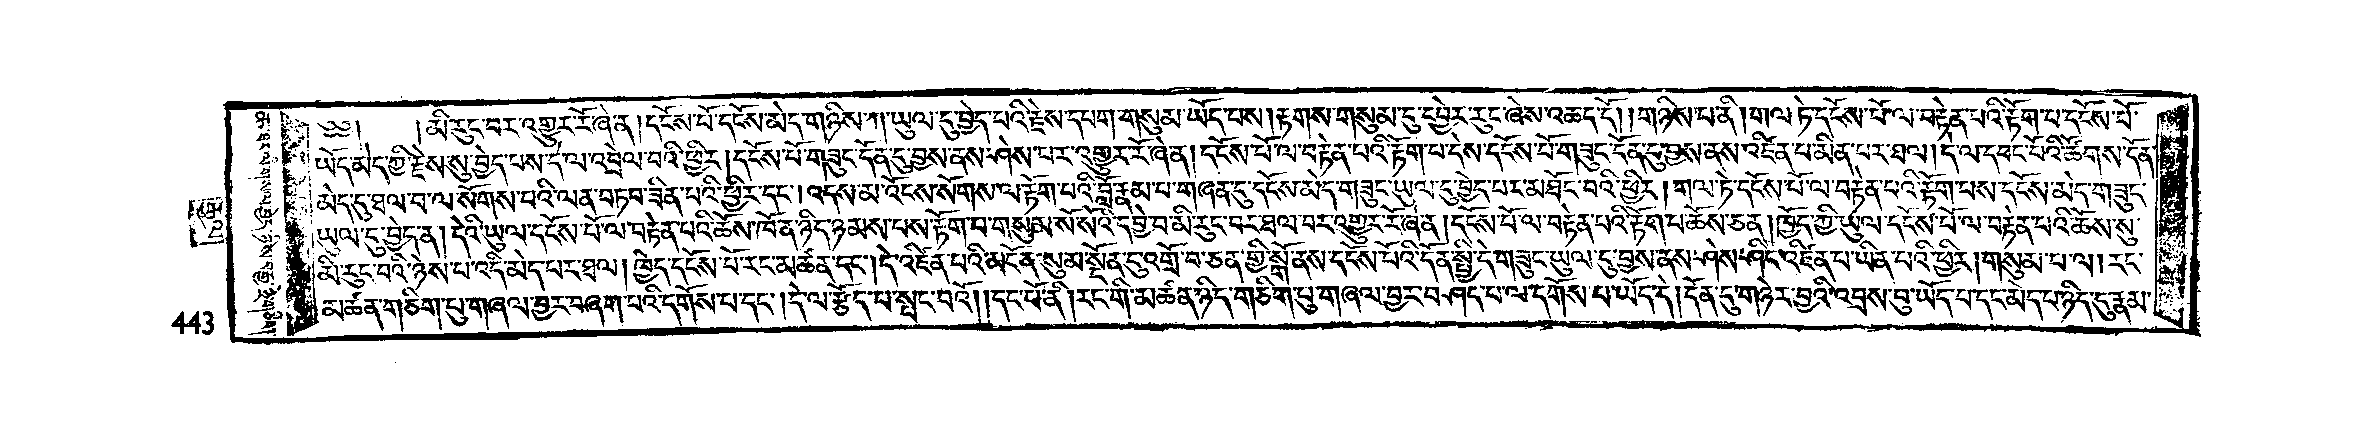༄༅། །མི་རུང་བར་འགྱུར་རོ་ཞེ་ན། དངོས་པོ་དངོས་མེད་གཉིས་ཀ་ཡུལ་དུ་བྱེད་པའི་རྗེས་དཔག་གསུམ་ཡོད་པས། རྟགས་གསུམ་དུ་དབྱེར་རུང་ཞེས་འཆད་དོ། །གཉིས་པ་ནི། གལ་ཏེ་དངོས་པོ་ལ་བརྟེན་པའི་རྟོག་པ་དངོས་པོ་
ཡོད་མེད་ཀྱི་རྗེས་སུ་བྱེད་པས་དེ་ལ་འབྲེལ་བའི་ཕྱིར། དངོས་པོ་གཟུང་དོན་དུ་བྱས་ནས་ཤེས་པར་འགྱུར་རོ་ཞེ་ན། དངོས་པོ་ལ་བརྟེན་པའི་རྟོག་པ་དེས་དངོས་པོ་གཟུང་དོན་དུ་བྱས་ནས་འཛིན་པ་མིན་པར་ཐལ། དེ་ལ་དབང་པོའི་ཚོགས་དོན་
མེད་དུ་ཐལ་བ་ལ་སོགས་པའི་ལན་བཏབ་ཟིན་པའི་ཕྱིར་དང་། འདས་མ་འོངས་སོགས་ལ་རྟོག་པའི་བློ་རྣམ་པ་གཞན་དུ་དངོས་མེད་གཟུང་ཡུལ་དུ་བྱེད་པར་མཐོང་བའི་ཕྱིར། གལ་ཏེ་དངོས་པོ་ལ་བརྟེན་པའི་རྟོག་པས་དངོས་མེད་གཟུང་
ཡུལ་དུ་བྱེད་ན། དེའི་ཡུལ་དངོས་པོ་ལ་བརྟེན་པའི་ཆོས་ཁོ་ན་ཉིད་ཉམས་པས་རྟོག་པ་གསུམ་སོ་སོའི་དབྱེ་བ་མི་རུང་བར་ཐལ་བར་འགྱུར་རོ་ཞེ་ན། དངོས་པོ་ལ་བརྟེན་པའི་རྟོག་པ་ཆོས་ཅན། ཁྱོད་ཀྱི་ཡུལ་དངོས་པོ་ལ་བརྟེན་པའི་ཆོས་སུ་
མི་རུང་བའི་ཉེས་པ་འདི་མེད་པར་ཐལ། ཁྱེད་དངོས་པོ་རང་མཚན་དང་། དེ་འཛིན་པའི་མངོན་སུམ་སྔོན་དུ་འགྲོ་བ་ཅན་གྱི་སྒོ་ནས་དངོས་པོའི་དོན་སྤྱི་དེ་གཟུང་ཡུལ་དུ་བྱས་ནས་ཤེས་ཤིང་འཛིན་པ་ཡིན་པའི་ཕྱིར། གསུམ་པ་ལ། རང་
མཚན་གཅིག་པུ་གཞལ་བྱར་བཞག་པའི་དགོས་པ་དང་། དེ་ལ་རྩོད་པ་སྤང་བའོ། །དང་པོ་ནི། རང་གི་མཚན་ཉིད་གཅིག་པུ་གཞལ་བྱར་བཤད་པ་ལ་དགོས་པ་ཡོད་དེ། དོན་དུ་གཉེར་བྱའི་འབྲས་བུ་ཡོད་པ་དང་མེད་པ་ཉིད་དུ་རྣམ་